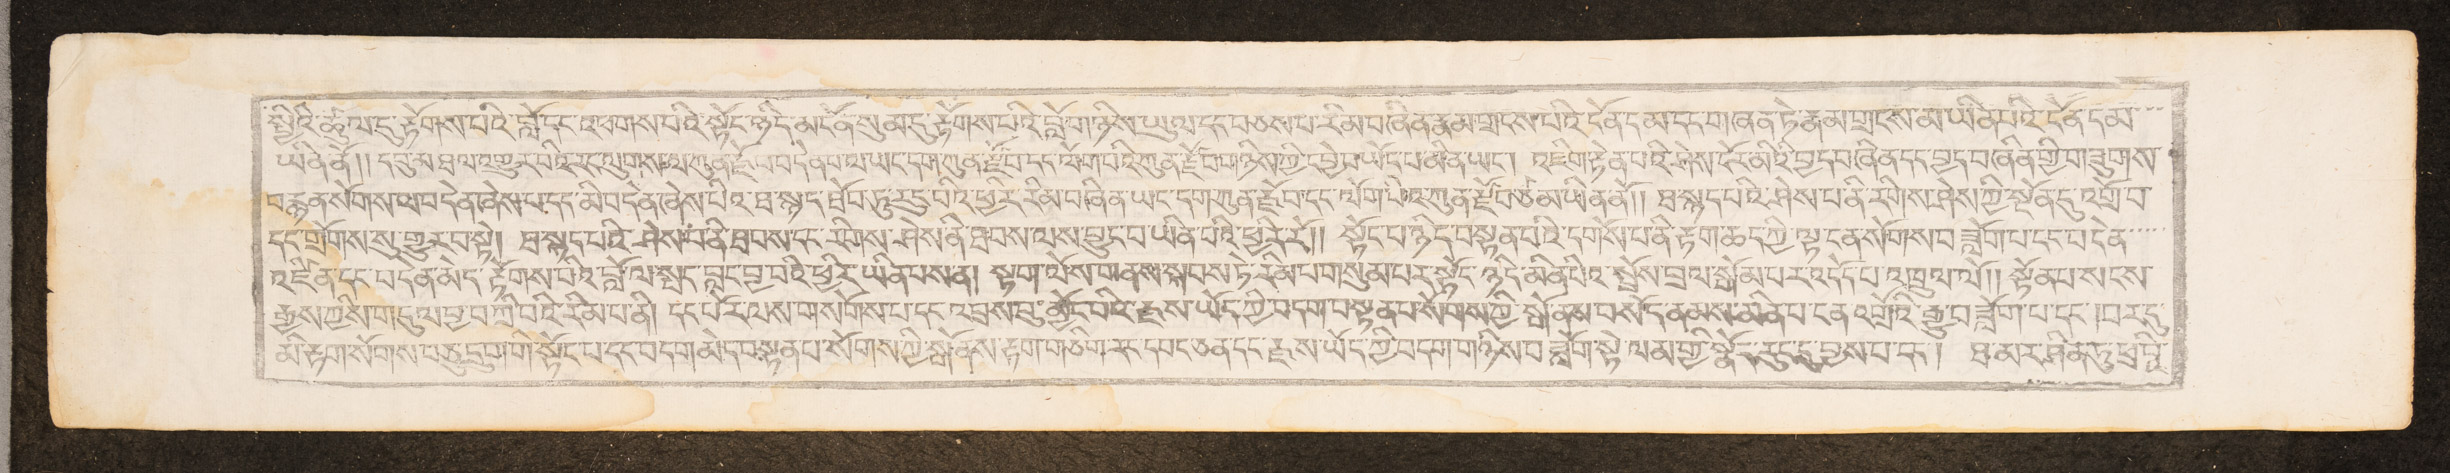སྤྱིའི་ཚུལ་དུ་རྟོགས་པའི་བློ་དང་འཕགས་པའི་སྟོང་ཉིད་མངོན་སུམ་དུ་རྟོགས་པའི་བློ་གཉིས་ཡུལ་དང་བཅས་པ་རིམ་བཞིན་རྣམ་གྲངས་བའི་དོན་དམ་དང་གཞན་ཏེ་རྣམ་གྲངས་མ་ཡིན་པའི་དོན་དམ་
ཡིན་ནོ། །དབུ་མཐལ་འགྱུར་བའི་རང་ལུགས་ལ་ཀུན་རྫོབ་བདེན་པ་ལ་ཡང་དག་ཀུན་རྫོབ་དང་ལོག་པའི་ཀུན་རྫོབ་གཉིས་ཀྱི་དབྱེ་བ་ཡོད་པ་མིན་ཡང་། འཇིག་རྟེན་པའི་ཤེས་ངོར་མིའི་བྱད་བཞིན་དང་བྱད་བཞིན་གྱི་གཟུགས་
བརྙན་སོགས་ལ་བདེན་ཞེས་པ་དད་མི་བདེན་ཞེས་པའི་ཐ་སྙད་ཐོབ་ཏུ་རུང་བའི་ཕྱིར་རིམ་བཞིན་ཡང་དག་ཀུན་རྫོབ་དང་ལོག་པའི་ཀུན་རྫོབ་ཙམ་ཡིན་ནོ། །ཐ་སྙད་པའི་ཤེས་པ་ནི་རིགས་ཤེས་ཀྱི་སྔོན་དུ་འགྲོ་བ་
དང་གྲོགས་སུ་གྱུར་བ་སྟེ། ཐ་སྙད་པའི་ཤེས་པ་ནི་ཐབས་དང་རིགས་ཤེས་ནི་ཐབས་ལས་བྱུང་བ་ཡིན་པའི་ཕྱིར་རོ། །སྟོང་པ་ཉིད་བསྟན་པའི་དགོས་པ་ནི་རྟག་ཆད་ཀྱི་ལྟ་ངན་སོགས་བཟློག་པ་དང་བདེན་
འཛིན་དང་བདེན་མེད་རྟོགས་པའི་བློ་ལ་སྤང་བླང་བྱ་བའི་ཕྱིར་ཡིན་པས་ན། སྟག་ལོས་གནས་སྐབས་ཏེ་རིམ་པ་གསུམ་པར་སྟོང་ཉིད་མིན་པའི་སྤྲོས་བྲལ་སྒོམ་པར་འདོད་པ་འཁྲུལ་ལོ། །སྟོན་པ་སངས་
རྒྱས་ཀྱིས་གདུལ་བྱ་བཀྲི་བའི་རིམ་པ་ནི། དང་པོར་ལས་གསོགས་པ་དང་འབྲས་བུ་མྱོང་བའི་རྫས་ཡོད་ཀྱི་བདག་བསྟན་པ་སོགས་ཀྱི་སྒོ་ནས་བསོད་ནམས་མིན་པ་ངན་འགྲོའི་རྒྱུ་བཟློག་པ་དང་། བར་དུ་
མི་རྟག་སོགས་བཅུ་དྲུག་གི་སྟོང་པ་དང་བདག་མེད་བསྟན་པ་སོགས་ཀྱི་སྒོ་ནས་རྟག་གཅིག་རང་དབང་ཅན་དང་རྫས་ཡོད་ཀྱི་བདག་གཉིས་བཟློག་སྟེ་ལམ་གྱི་སྣོད་རུང་དུ་བྱས་པ་དང་། ཐ་མར་ཤིན་ཏུ་ཕྲ་བའི་